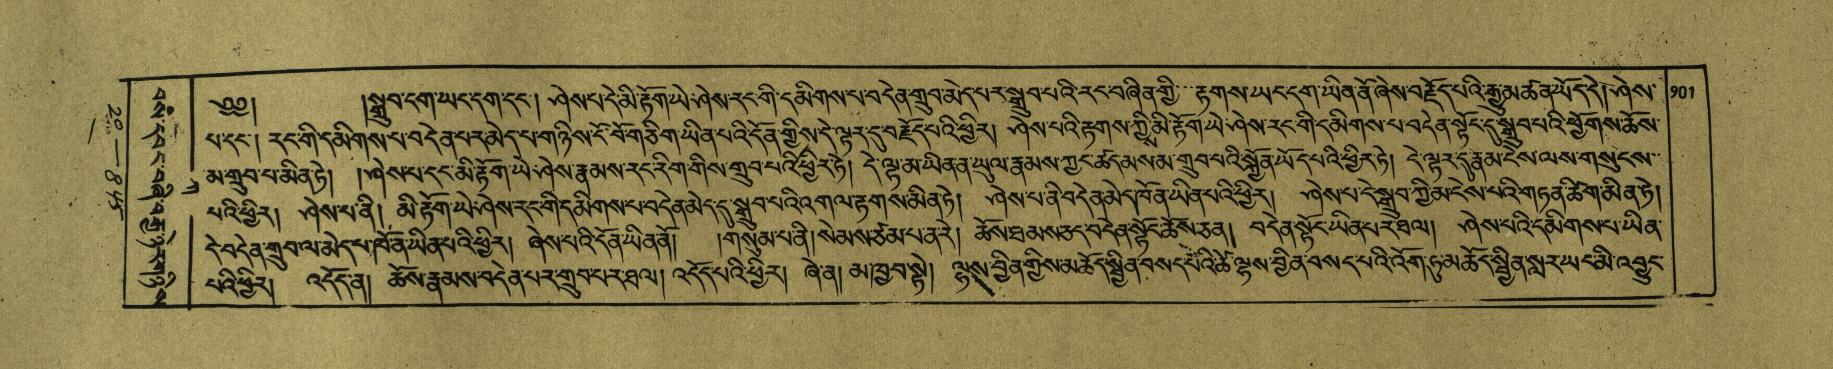༄༅། །སྒྲུབ་ངག་ཡང་དག་དང་། ཤེས་པ་དེ་མི་རྟོག་ཡེ་ཤེས་རང་གི་དམིགས་པ་བདེན་གྲུབ་མེད་པར་སྒྲུབ་པའི་རང་བཞིན་གྱི་རྟགས་ཡང་དག་ཡིན་ནོ་ཞེས་བརྗོད་པའི་རྒྱུ་མཚན་ཡོད་དེ། ཤེས་
པ་དང་། རང་གི་དམིགས་པ་བདེན་པར་མེད་པ་གཉིས་ངོ་བོ་གཅིག་ཡིན་པའི་དོན་གྱིས་དེ་ལྟར་དུ་བརྗོད་པའི་ཕྱིར། ཤེས་པའི་རྟགས་ཀྱིས་མི་རྟོགས་ཡེ་ཤེས་རང་གི་དམིགས་པ་བདེན་སྟོང་དུ་སྒྲུབ་པའི་ཕྱོགས་ཆོས་
མ་གྲུབ་པ་མིན་ཏེ། །ཤེས་པ་དང་མི་རྟོག་ཡེ་ཤེས་རྣམས་རང་རིག་གིས་གྲུབ་པའི་ཕྱིར་ཏེ། དེ་ལྟ་མ་ཡིན་ན་ཡུལ་རྣམས་ཀྱང་ཚད་མས་མ་གྲུབ་པའི་སྐྱོན་ཡོད་པའི་ཕྱིར་ཏེ། དེ་ལྟར་དུ་རྣམ་ངེས་ལས་གསུངས་
པའི་ཕྱིར། ཤེས་པ་ནི། མི་རྟོག་ཡེ་ཤེས་རང་གི་དམིགས་པ་བདེན་མེད་དུ་སྒྲུབ་པའི་འགལ་རྟགས་མིན་ཏེ། ཤེས་པ་ནི་བདེན་མེད་ཁོ་ན་ཡིན་པའི་ཕྱིར། ཤེས་པ་དེ་སྒྲུབ་ཀྱི་མ་ངེས་པའི་གཏན་ཚིག་མིན་ཏེ།
དེ་བདེན་གྲུབ་ལ་མེད་པ་ཁོ་ན་ཡིན་པའི་ཕྱིར། ཞེས་པའི་དོན་ཡིན་ནོ། །གསུམ་པ་ནི། སེམས་ཙམ་པ་ན་རེ། ཆོས་ཐམས་ཅད་བདེན་སྟོང་ཆོས་ཅན། བདེན་སྟོང་ཡིན་པར་ཐལ། ཤེས་པའི་དམིགས་པ་ཡིན་
པའི་ཕྱིར། འདོད་ན། ཆོས་རྣམས་བདེན་པར་གྲུབ་པར་ཐལ། འདོད་པའི་ཕྱིར། ཞེ་ན། མ་ཁྱབ་སྟེ། ལྷས་བྱིན་གྱིས་མཆོད་སྦྱིན་བསད་པའི་ཚེ་ལྷས་བྱིན་བསད་པའི་འོག་ཏུ་མཆོད་སྦྱིན་སླར་ཡང་མི་འབྱུང་